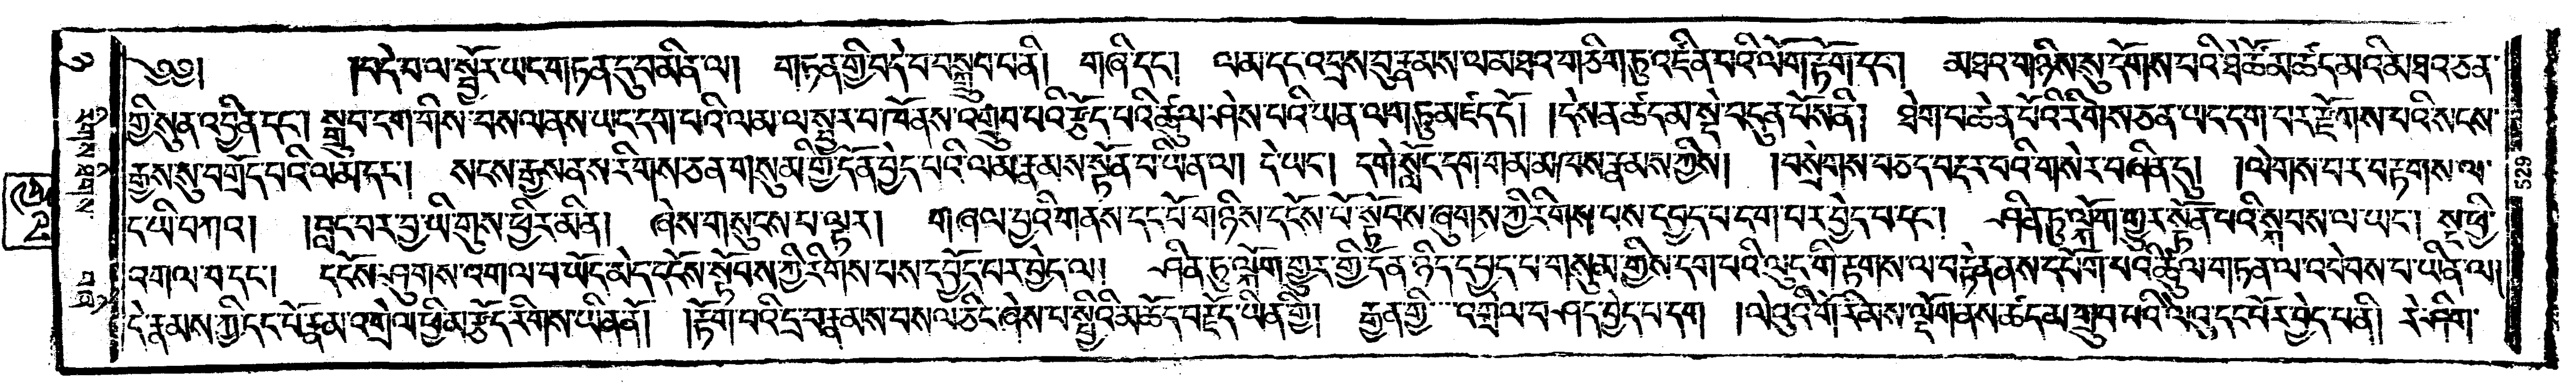༄༅། །བདེ་བ་ལ་སྦྱོར་ཡང་གཏན་དུ་བ་མིན་ལ། གཏན་གྱི་བདེ་བ་བསྒྲུབ་པ་ནི། གཞི་དང་། ལམ་དང་འབྲས་བུ་རྣམས་ལ་མཐའ་གཅིག་ཏུ་འཛིན་པའི་ལོག་རྟོག་དང་། མཐའ་གཉིས་སུ་དོགས་པའི་ཐེ་ཚོམ་ཚད་མའི་མཐའ་ཅན་
གྱི་སུན་འབྱིན་དང་། སྒྲུབ་དག་གིས་བསལ་ནས་ཡང་དག་པའི་ལམ་ལ་སྦྱར་བ་ཁོ་ནས་འགྲུབ་པའི་རྩོད་པའི་ཚུལ་ཤེས་པའི་ཡན་ལག་ཏུ་མཛད་དོ། །དེས་ན་ཚད་མ་སྡེ་བདུན་པོས་ནི། ཐེག་པ་ཆེན་པོའི་རིགས་ཅན་ཡང་དག་པར་རྫོགས་པའི་སངས་
རྒྱས་སུ་བགྲོད་པའི་ལམ་དང་། སངས་རྒྱས་ནས་རིགས་ཅན་གསུམ་གྱི་དོན་བྱེད་པའི་ལམ་རྣམས་སྟོན་པ་ཡིན་ལ། དེ་ཡང་། དགེ་སློང་དག་གམ་མཁས་རྣམས་ཀྱིས། །བསྲེགས་བཅད་བརྡར་བའི་གསེར་བཞིན་དུ། །ལེགས་པར་བརྟགས་ལ་
ད་ཡི་བཀའ། །བླང་བར་བྱ་ཡི་གུས་ཕྱིར་མིན། ཞེས་གསུངས་པ་ལྟར། གཞལ་བྱའི་གནས་དང་པོ་གཉིས་དངོས་པོ་སྟོབས་ཞུགས་ཀྱི་རིགས་པས་དབྱད་པ་དག་པར་བྱེད་པ་དང་། ཤིན་ཏུ་ལྐོག་གྱུར་སྟོན་པའི་སྐབས་ལ་ཡང་། སྔ་ཕྱི་
འགལ་བ་དང་། དངོས་ཤུགས་འགལ་པ་ཡོད་མེད་དངོས་སྟོབས་ཀྱི་རིགས་པས་དབྱོད་པར་བྱེད་ལ། ཤིན་ཏུ་ལྐོག་གྱུར་གྱི་དོན་ཉིད་དབྱད་པ་གསུམ་གྱིས་དག་པའི་ལུང་གི་རྟགས་ལ་བརྟེན་ནས་དཔོག་པའི་ཚུལ་གཏན་ལ་འབེབས་པ་ཡིན་ལ།
དེ་རྣམས་ཀྱི་དང་པོ་རྣམ་འགྲེལ་ཕྱི་མ་རྩོད་རིགས་ཡིན་ནོ། །རྟོག་པའི་དྲ་བ་རྣམས་བསལ་ཅིང་ཞེས་པ་སྤྱིའི་མཆོད་བརྗོད་ཡིན་གྱི། རྒྱན་གྱི་འགྲེལ་བཤད་བྱེད་པ་དག །ལེའུ་གོ་རིམས་ལྡོག་ནས་ཚད་མ་གྲུབ་པའི་ལེའུ་དང་པོར་བྱེད་པ་ནི། རེ་ཤིག་